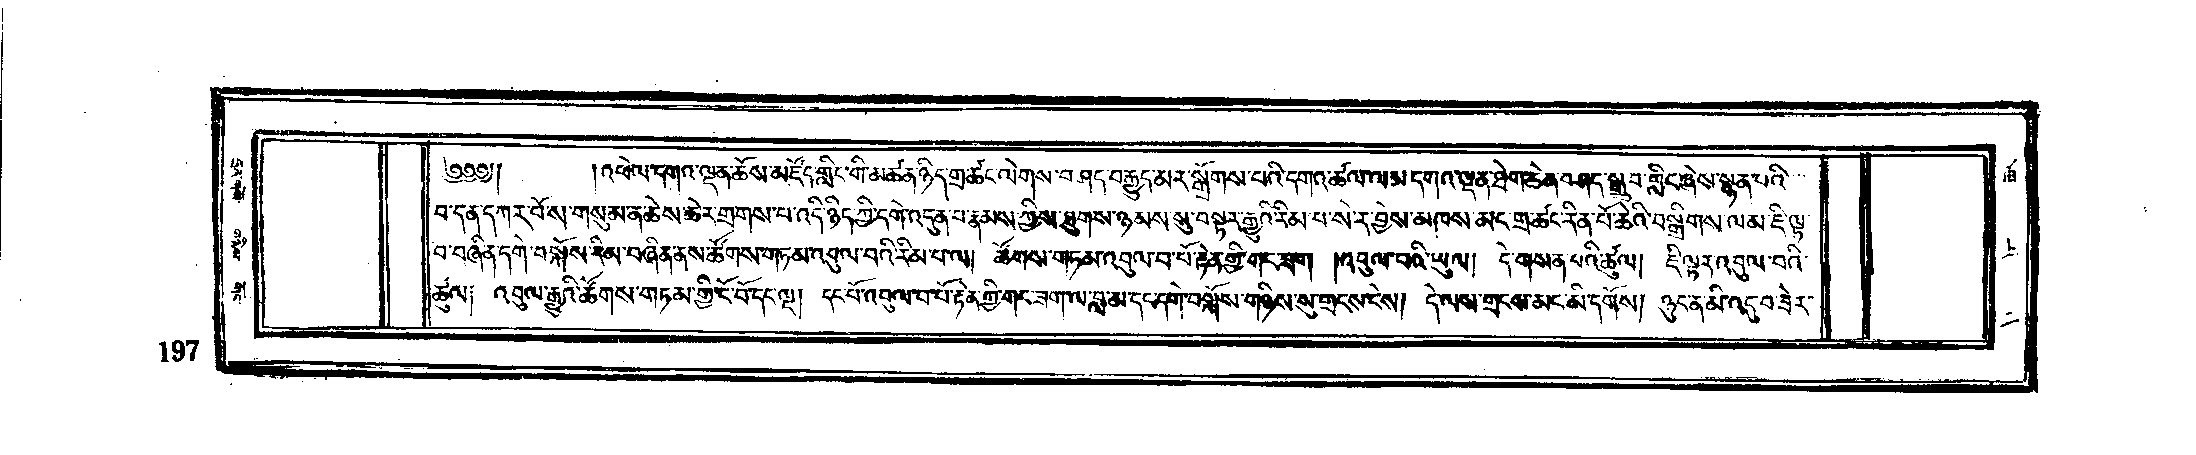༄༅༅། །འཕེལ་དགའ་ལྡན་ཆོས་མཛོད་གླིང་གི་མཚན་ཉིད་གྲ་ཚང་ལེགས་བཤད་བརྒྱུད་མར་སྒྲོགས་པའི་དགའ་ཚལ་ལམ་དགའ་ལྡན་ཐེག་ཆེན་བཤད་སྒྲུབ་གླིང་ཞེས་སྙན་པའི་
བ་དན་དཀར་པོ་ས་གསུམ་ན་ཆེས་ཆེར་གྲགས་པ་འདི་ཉིད་ཀྱི་དགེ་འདུན་པ་རྣམས་ཀྱིས་ཐུགས་ཉམས་སུ་བསྟར་རྒྱུའི་རིམ་པ་སེ་ར་བྱེས་མཁས་མང་གྲ་ཚང་རིན་པོ་ཆེའི་བསྒྲིགས་ལམ་ཇི་ལྟ་
བ་བཞིན་དགེ་བསྐོས་རིམ་བཞིན་ནས་ཚོགས་གཏམ་འབུལ་བའི་རིམ་པ་ལ། ཚོགས་གཏམ་འབུལ་བ་པོ་རྟེན་གྱི་གང་བྲག །འབུལ་བའི་ཡུལ། དེ་གསན་པའི་ཚུལ། ཇི་ལྟར་འབུལ་བའི་
ཚུལ༑ འབུལ་རྒྱུའི་ཚོགས་གཏམ་གྱི་ངོ་བོ་དང་ལྔ། དང་པོ་འབུལ་པ་པོ་རྟེན་ཀྱི་གང་ཟག་ལ་བླ་མ་དང་དགེ་བསྐོས་གཉིས་སུ་གྲངས་ངེས། དེ་ལས་གྲངས་མང་མི་དགོས། ཉུང་ན་མི་འདུ་བ་ཟེར་